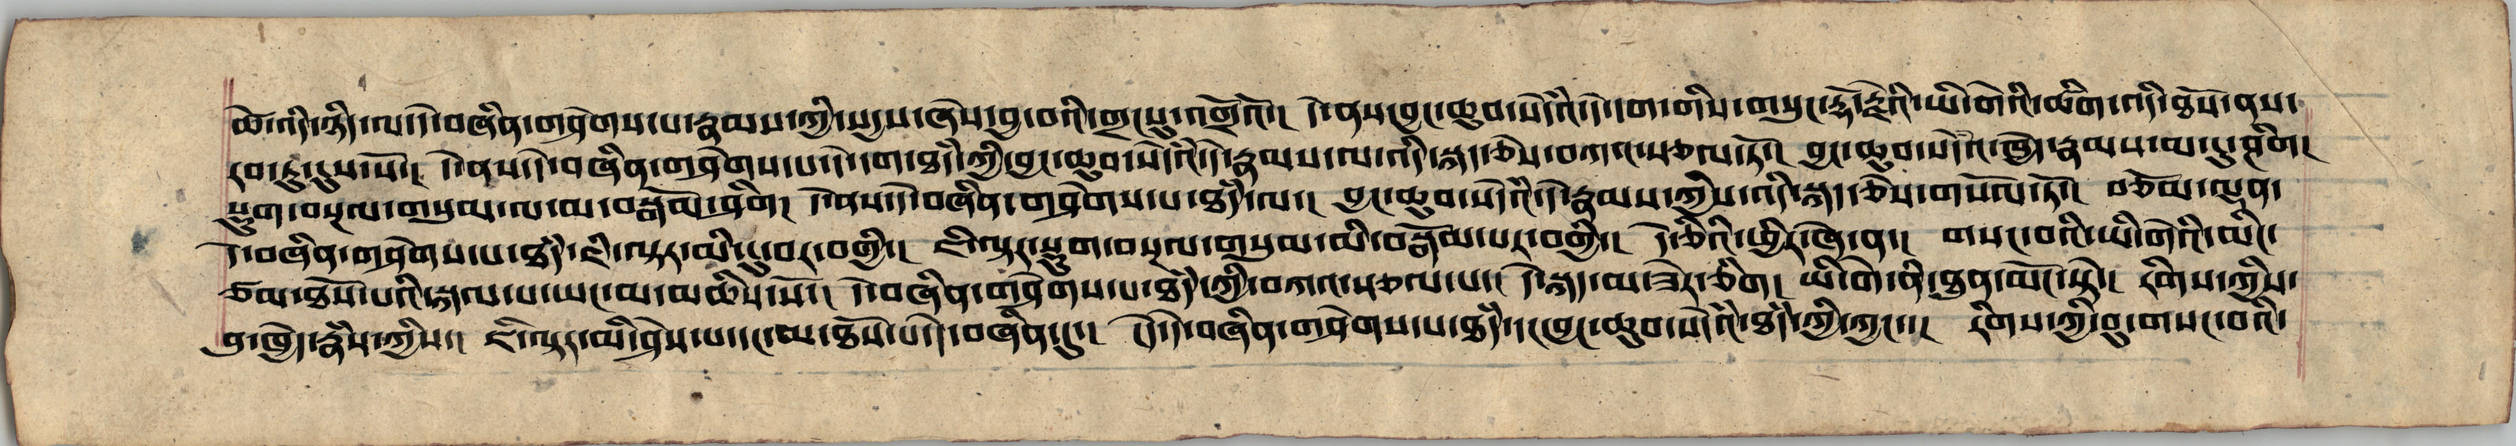ཚེ་འདི་ཉིད་ལ་དེ་བཞིན་གཤེགས་པ་རྣམས་ཀྱི་སདྱས་ཞེས་བྱ་བའི་གྲངསུ་འགྲོའོ་། དེ་ནས་བྱང་ཆུབ་སེདཾའ་དེ་དག་གིས་གསུང་རྡོ་རྗེའི་ཡི་གེའི་ཚིག་འདི་ཐོས་ནས་
རབ་ཏུ་དུས་སོ་། དེ་ནས་དེ་བཞིན་གཤེགས་པ་དེ་དག་ཐདཾ་ཀྱི་བྱང་ཆུབ་སེདཾའ་དེ་རྣམས་ལ་འདི་སྐད་ཅེས་བཀའ་སྩལ་ཏོ་། བྱང་ཆུབ་སེདཾའ་ཁྱེད་རྣམས་མ་ངུ་ཤིག།
སྡུག་བསྔལ་གསུམ་ལ་མ་བསྒོམ་ཤིག། དེ་ནས་དེ་བཞིན་གཤེགས་པ་ཐདཾ་ལ་། བྱང་ཆུབ་སེདཾའ་དེ་རྣམས་ཀྱིས་འདི་སྐད་ཅེས་གསོལ་ཏོ་། བཅོམ་ལྡན་
དེ་བཞིན་གཤེགས་པ་ཐདཾ་ཇི་ལྟར་མི་ངུ་བར་བགྱི་། ཇི་ལྟར་སྡུག་བསྔལ་གསུམ་མི་བསྒོམ་པར་བགྱི་། དེ་ཅིའི་ཕྱིར་ཞེ་ན་། གསང་བའི་ཡི་གེའི་མིང་
ཙམ་ཐོས་པའི་སྐལ་པ་ཡང་མ་མཆིས་སོ་། དེ་བཞིན་གཤེགས་པ་ཐཾད་ཀྱི་བཀའ་སྩལ་པ་། དེ་སྐད་མ་ཟེར་ཅིག། ཡི་གེ་ནི་ཐུན་མོང་སྟེ་། རིགས་ཀྱིས་
བུ་ཁྱེད་རྣཾས་ཀྱིས་། ཇི་ལྟར་མི་ཤེས་པ་དང་མ་ཐོས་པ་དེ་བཞིན་དུ་། ངདེ་དེ་བཞིན་གཤེགས་པ་ཐཾད་དང་བྱང་ཆུབ་སེདའཾ་ཐཾད་ཀྱི་ཀྱང་་། རིགས་ཀྱི་བུ་གསང་བའི་